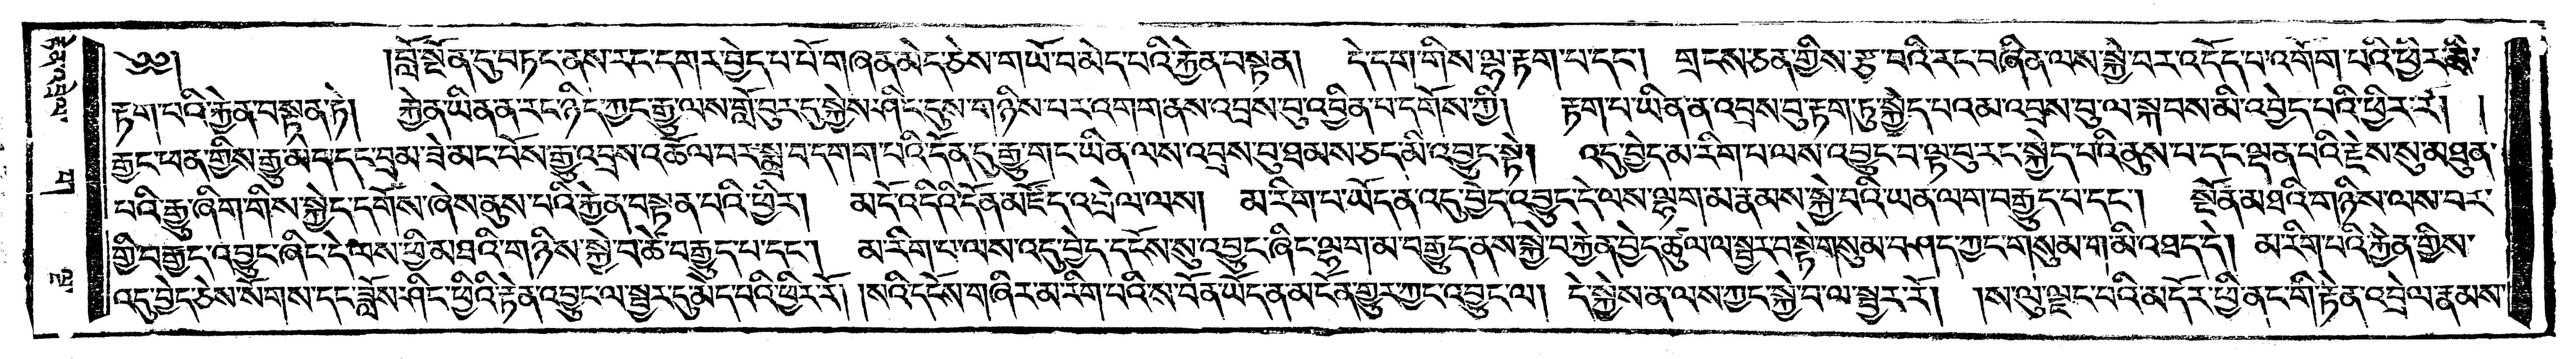༄༅། །བློ་སྔོན་དུ་བཏང་ནས་རང་དགར་བྱེད་པ་པོ་གཞན་མེད་ཅེས་གཡོ་བ་མེད་པའི་རྐྱེན་བསྟན། དེ་དག་གིས་ལྷ་རྟག་པ་དང་། གྲངས་ཅན་གྱིས་རྩ་བའི་རང་བཞིན་ལས་སྐྱེ་བར་འདོད་པ་འགོག་པའི་ཕྱིར་མི་
རྟག་པའི་རྐྱེན་བསྟན་ཏེ། རྐྱེན་ཡིན་ན་རང་ཉིད་ཀྱང་རྒྱུ་ལས་གློ་བུར་དུ་སྐྱེས་ཤིང་དུས་གཉིས་པར་འགག་ནས་འབྲས་བུ་འབྱིན་པ་དགོས་ཀྱི། རྟག་པ་ཡིན་ན་འབྲས་བུ་རྟག་ཏུ་སྐྱེད་པའམ་འབྲས་བུ་ལ་སྐབས་མི་འབྱེད་པའི་ཕྱིར་རོ། །
རྒྱང་ཕན་གྱིས་རྒྱུ་མེད་དང་བྲམ་ཟེ་མང་པོས་རྒྱུ་འབྲས་འཆོལ་བར་སྨྲ་བ་དགག་པའི་དོན་དུ་རྒྱུ་གང་ཡིན་ལས་འབྲས་བུ་ཐམས་ཅད་མི་འབྱུང་སྟེ། འདུ་བྱེད་མ་རིག་པ་ལས་འབྱུང་བ་ལྟ་བུ་རང་སྐྱེད་པའི་ནུས་པ་དང་ལྡན་པའི་རྗེས་སུ་མཐུན་
པའི་རྒྱུ་ཞིག་གིས་སྐྱེད་དགོས་ཞེས་ནུས་པའི་རྐྱེན་བསྟན་པའི་ཕྱིར། མདོ་འདིའི་དོན་མཛོད་འགྲེལ་ལས། མ་རིག་པ་ཡོད་ན་འདུ་བྱེད་འབྱུང་དེ་ལས་ལྷག་མ་རྣམས་སྐྱེ་བའི་ཡན་ལག་བརྒྱུད་པ་དང་། སྔོན་མཐའི་གཉིས་ལས་བར་
གྱི་བརྒྱང་འབྱུང་ཞིང་དེ་ཡས་ཕྱི་མཐའི་གཉིས་སྐྱེ་བ་ཚེ་བརྒྱུད་པ་དང་། མ་རིག་པ་ལས་འདུ་བྱེད་དངོས་སུ་འབྱུང་ཞིང་ལྷག་མ་བརྒྱུད་ནས་སྐྱེ་བ་རྐྱེན་བྱེད་ཚུལ་ལ་སྦྱར་བ་སྟེ་གསུམ་བཤད་ཀྱང་གསུམ་ག་མི་འཐད་དེ། མ་རིག་བའི་རྐྱེན་གྱིས་
འདུ་བྱེད་ཅེས་སོགས་དང་ཟློས་ཤིང་ཕྱིའི་རྟེན་འབྱུང་ལ་སྦྱར་དུ་མེད་པའི་ཕྱིར་རོ། །སའི་དངོས་གཞིར་མ་རིག་བའི་ས་བོན་ཡོད་ན་མངོན་གྱུར་ཀྱང་འབྱུང་ལ། དེ་སྐྱེས་ན་ལས་ཀྱང་སྐྱེ་བ་ལ་སྦྱར་རོ། །ས་ལུ་ལྗང་པའི་མདོར་ཕྱི་ནང་གི་རྟེན་འབྲེལ་རྣམས་